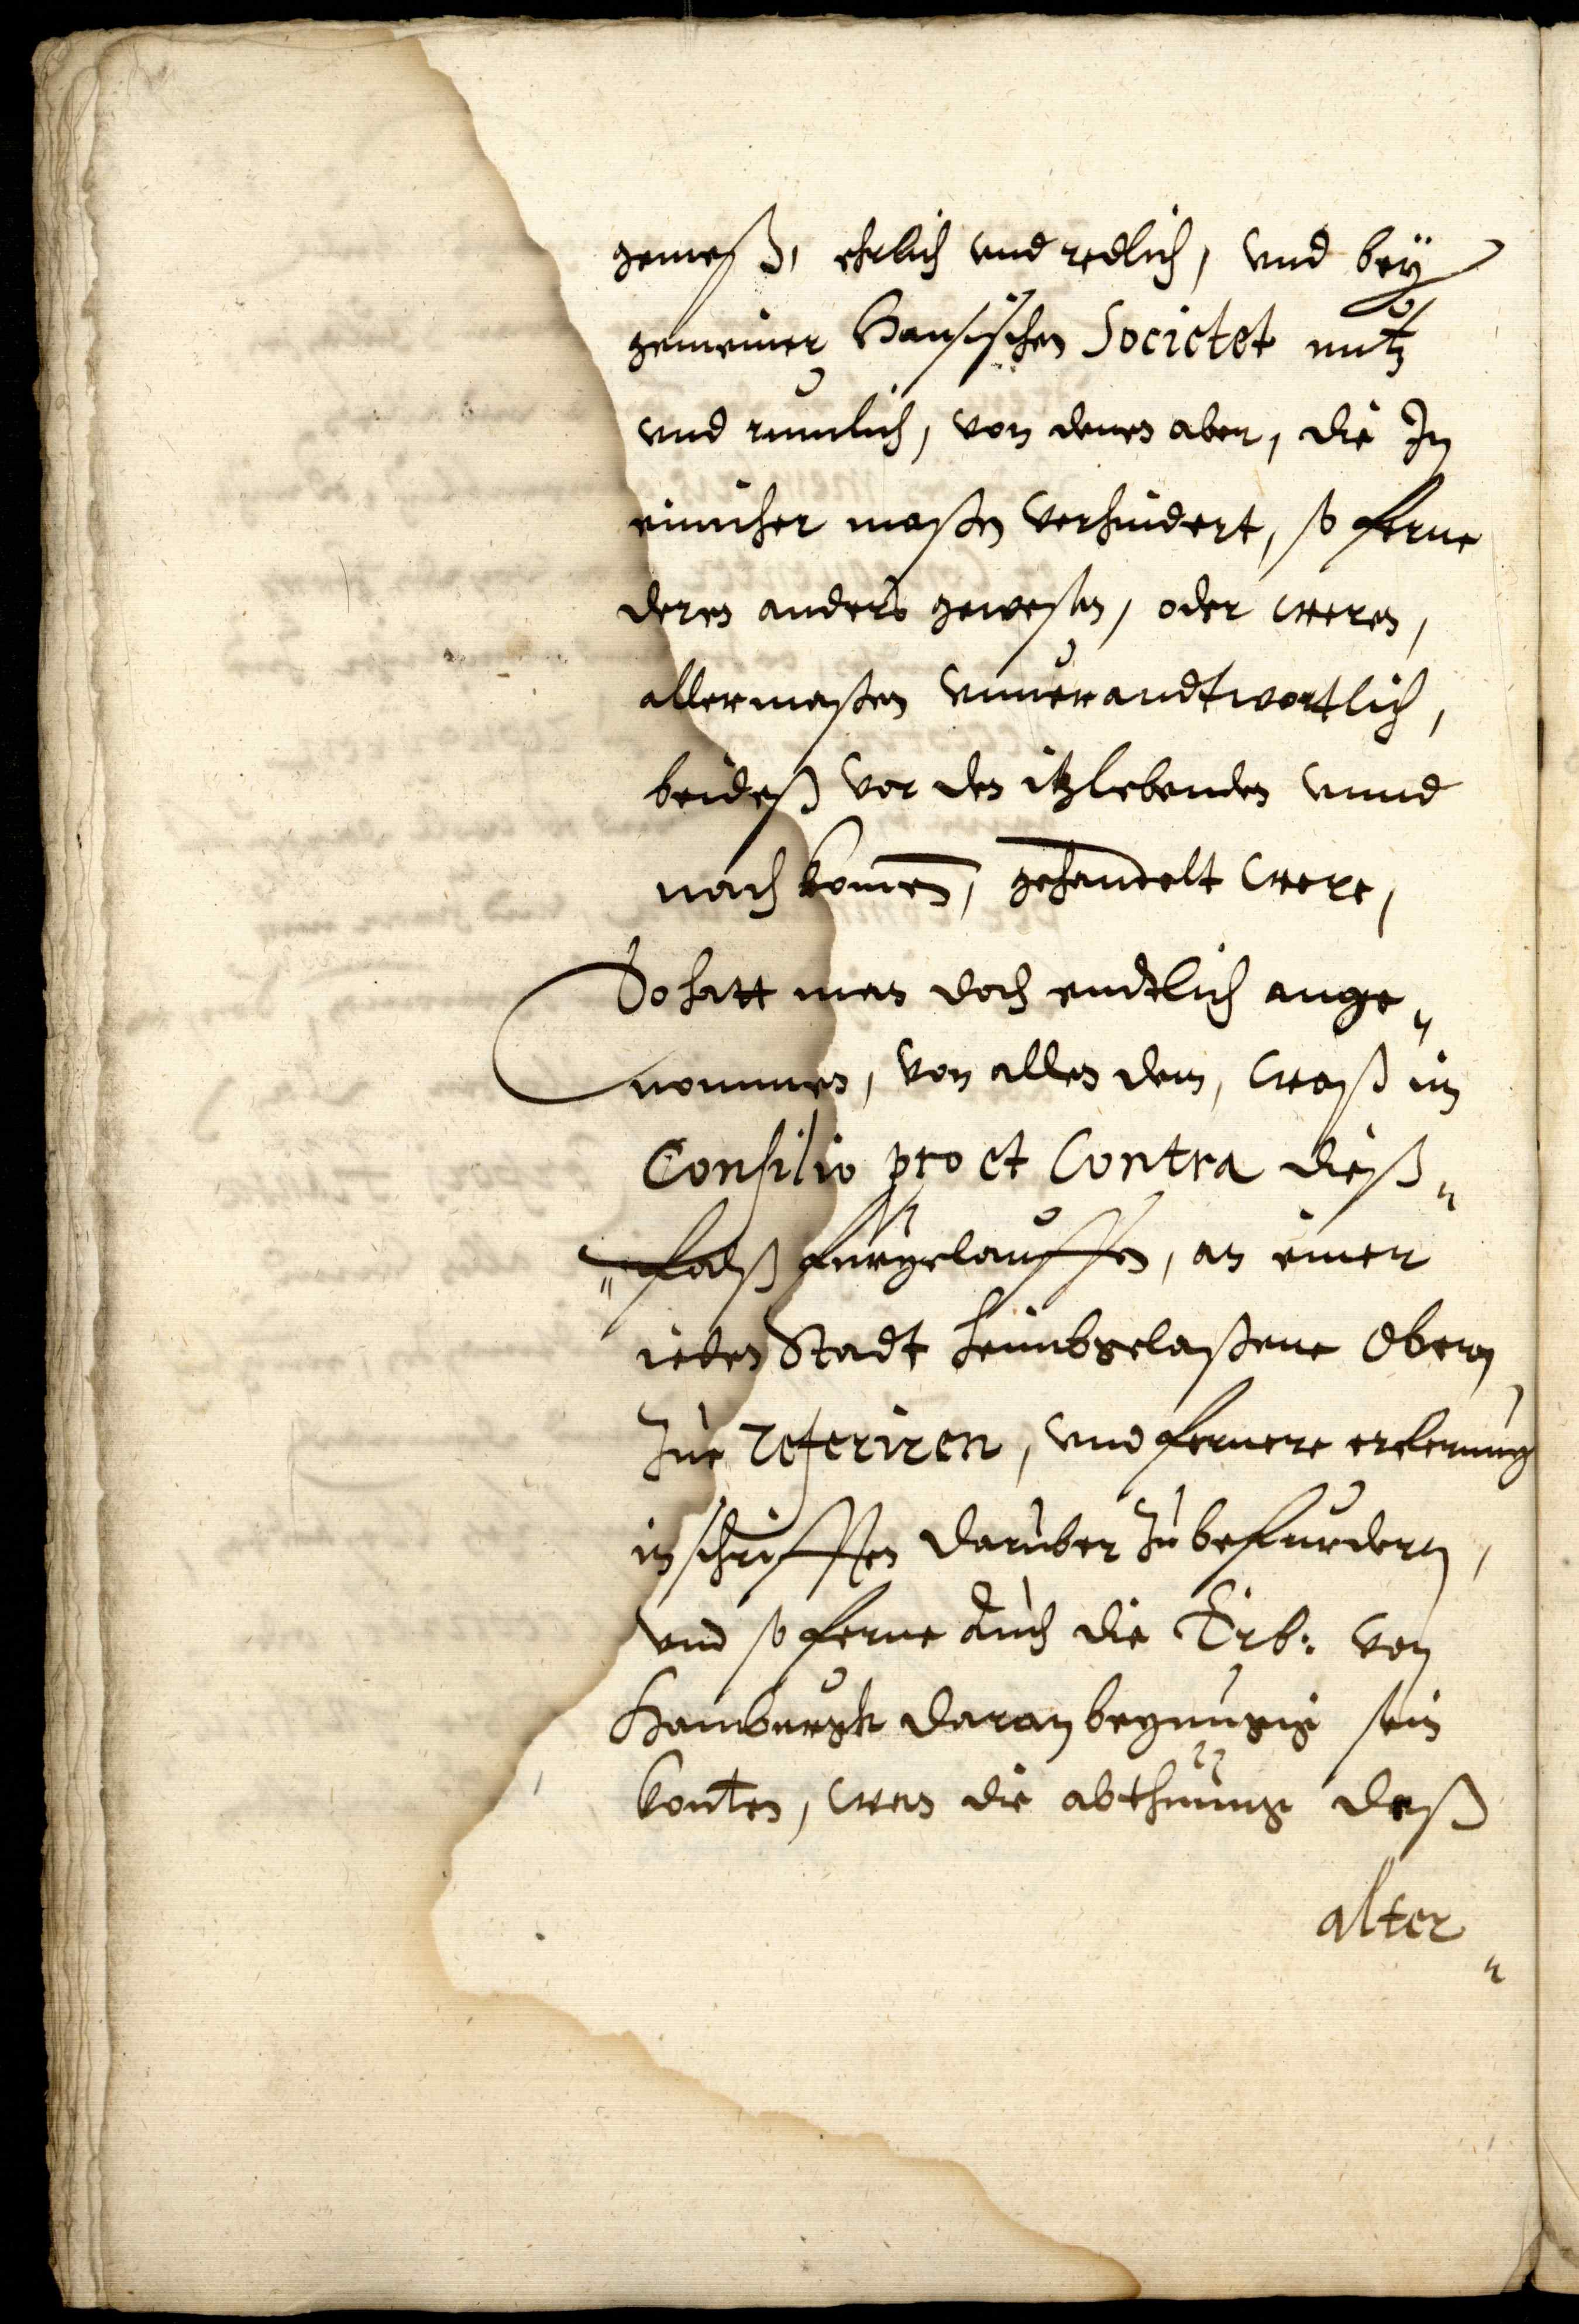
gemeß, ehrlich vnd redlich, vnd beij
gemeiner Hansicher Societet nutz
vnd rumlich, von deren aber, die In
einicher maßen verhindert, soferne
deren anders gewesen, oder weren,
allermesten vnverantwortlich,
beideß vor den itzlebenden vnnd
noch kommen, gehandelt were,
So hatt mans doch endtlich ange¬
nommen, von allen dem, waß in
consilio pro et contra dieß¬
falß furgelauffen, an einer
ieden Stadt heimbgelaßen obern,
zue referiren, vnd ferner erclerung
in schrifften daruber zu befurdern,
vnd soferne Auch die Erb: von
Hamburgk daran begungig sein
konten, weren die abtuung deß
alter¬
